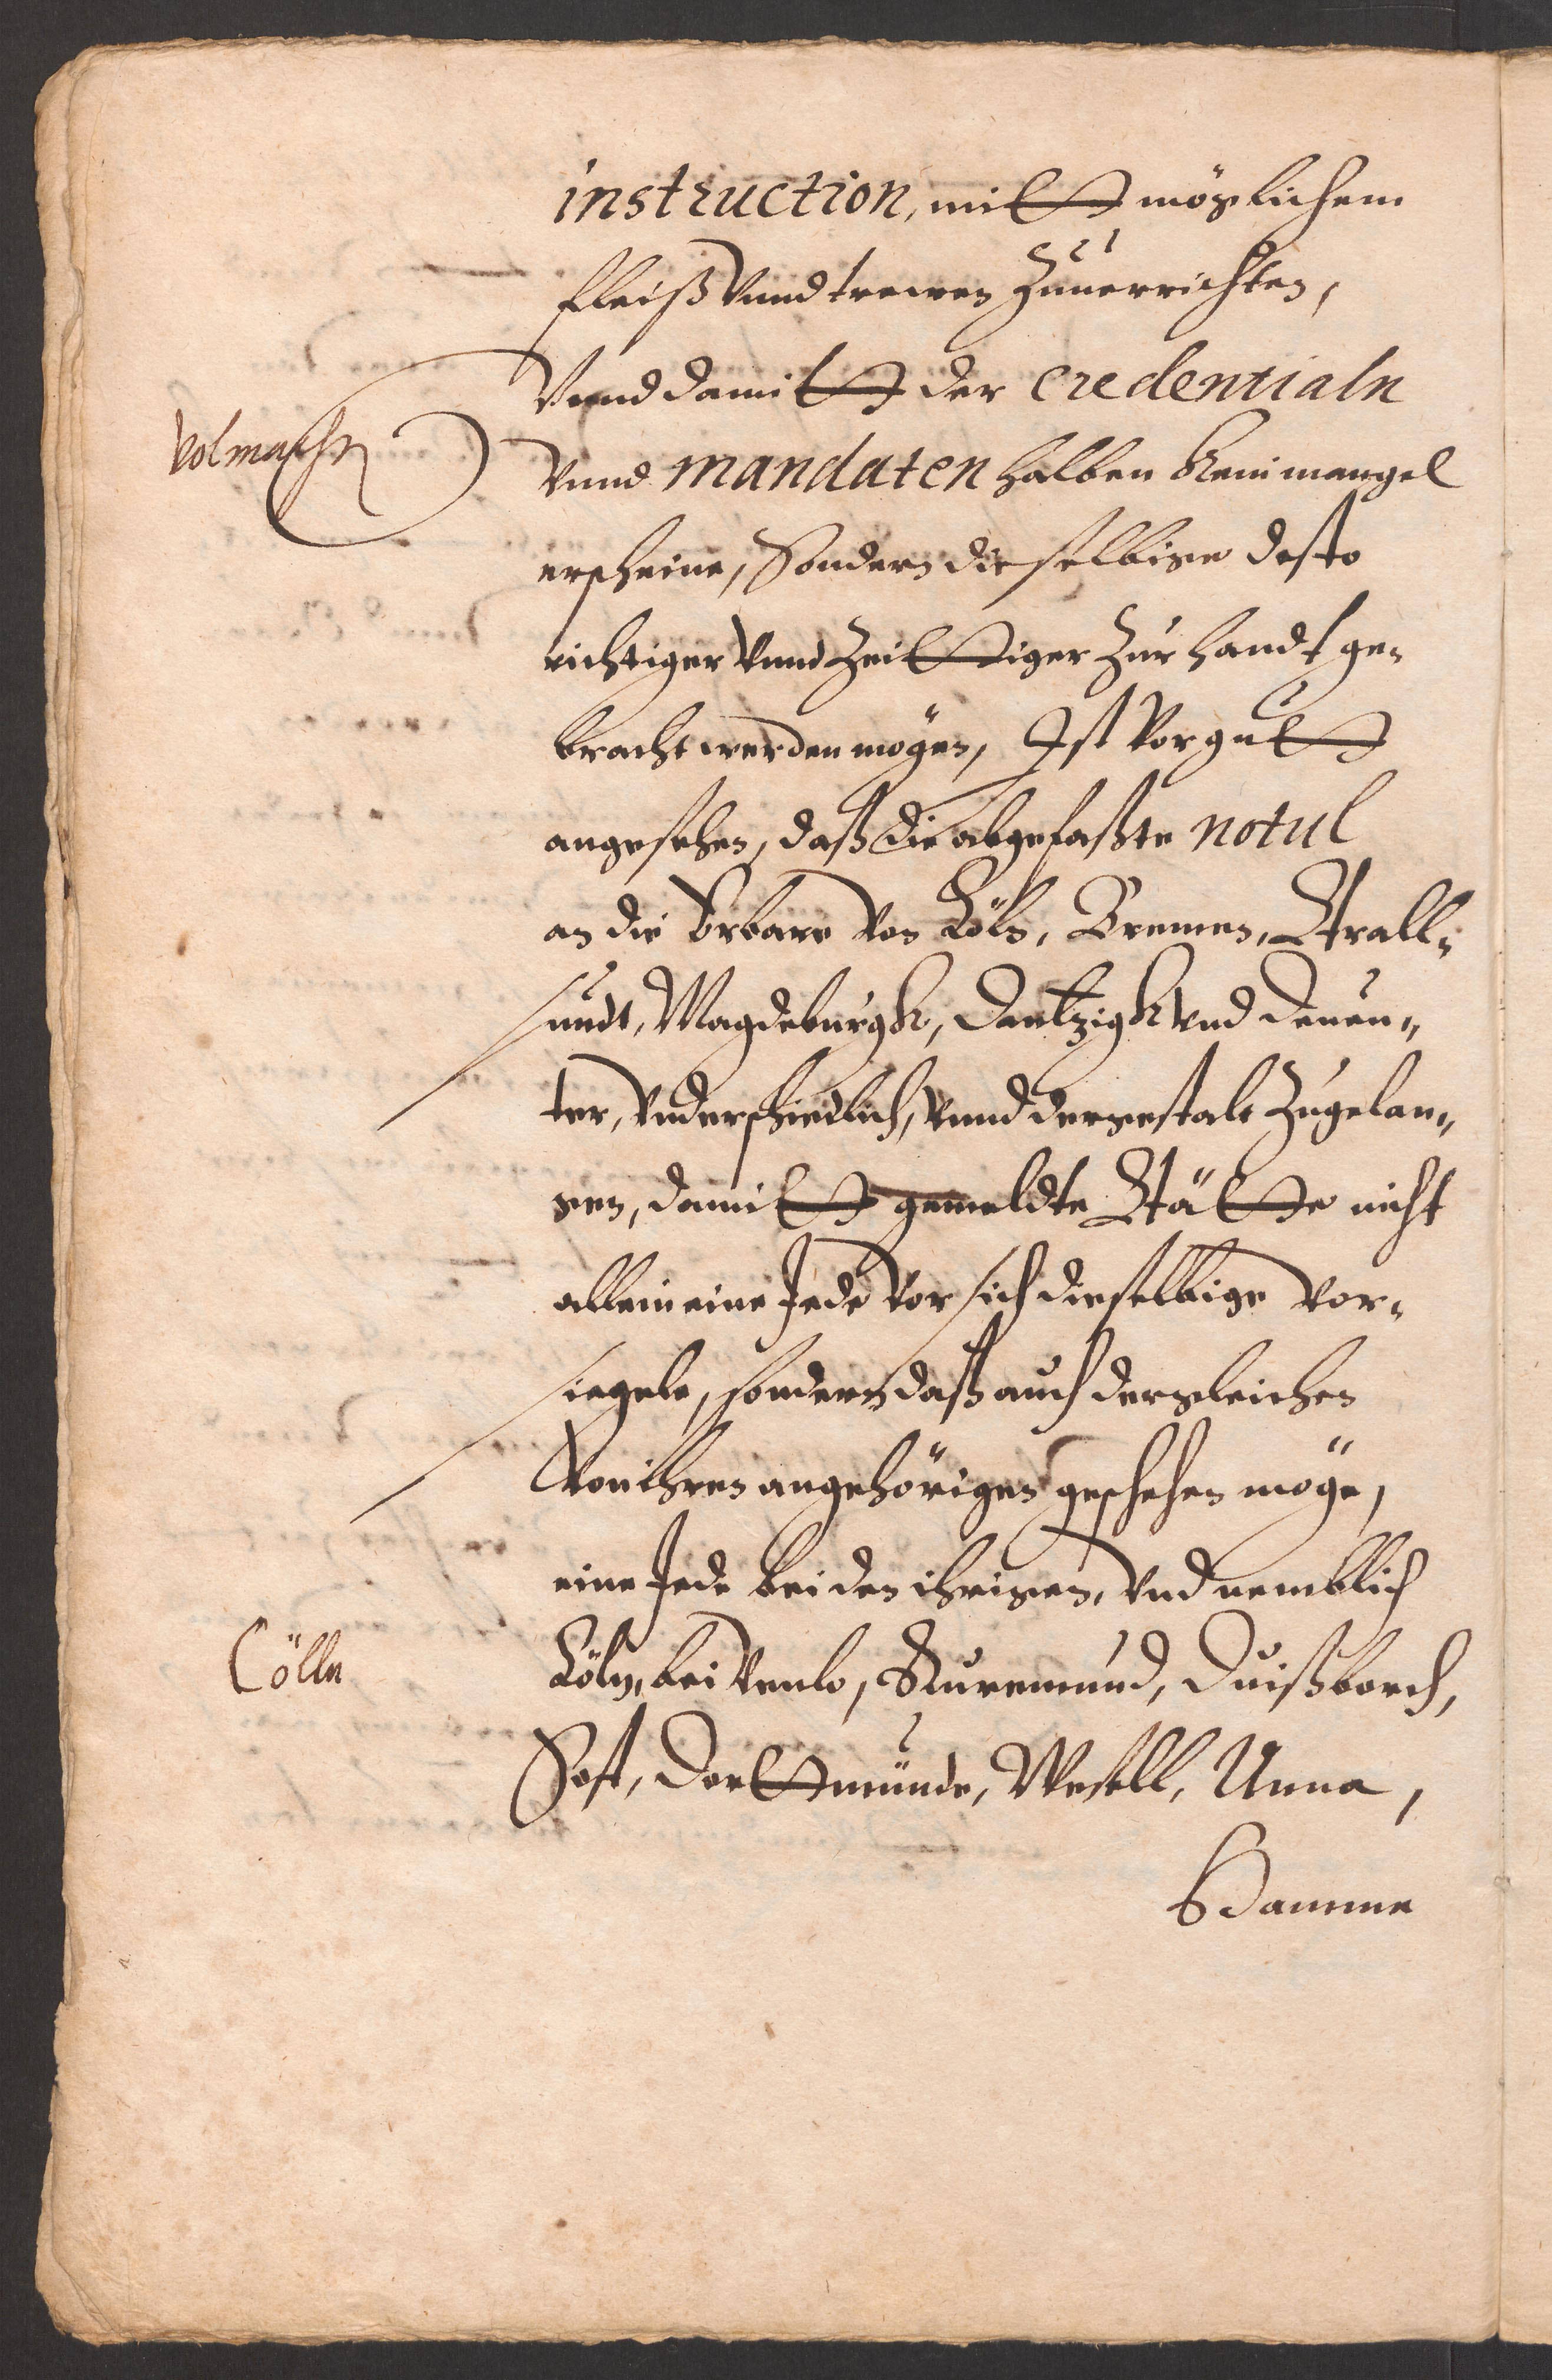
instruction, mitt möglichem
fleiß vnnd trewen zuuerrichten,
vnnd damitt der credentialn
vnd mandaten halben kein mangel
erscheine, Sondern dieselbigen desto
richtiger vnnd zeittiger zur handt ge¬
bracht werden mögen, Ist vorgutt
angesehen, daß die abgefaßte notul
an die Erbare von Cöln, Bremen, Strall¬
sundt, Magdeburgk, Dantzigk vnd Deuen¬
ter, vnderschiedlich, vnnd dergestalt zugelan¬
gen, damitt gemeldte Stätte nicht
allein eine Jede vor sich dieselbige vor¬
siegele, sondern daß auch dergleichen
von ihren angehörigen geschehen möge,
eine Jede bei den ihrigen, vnd nemblich
Cöln, bei Venlo, Ruremund, Duißborch,
Sost, Dorttmünde, Wesell, Unna,
Hamme
volmachten
Cölln
